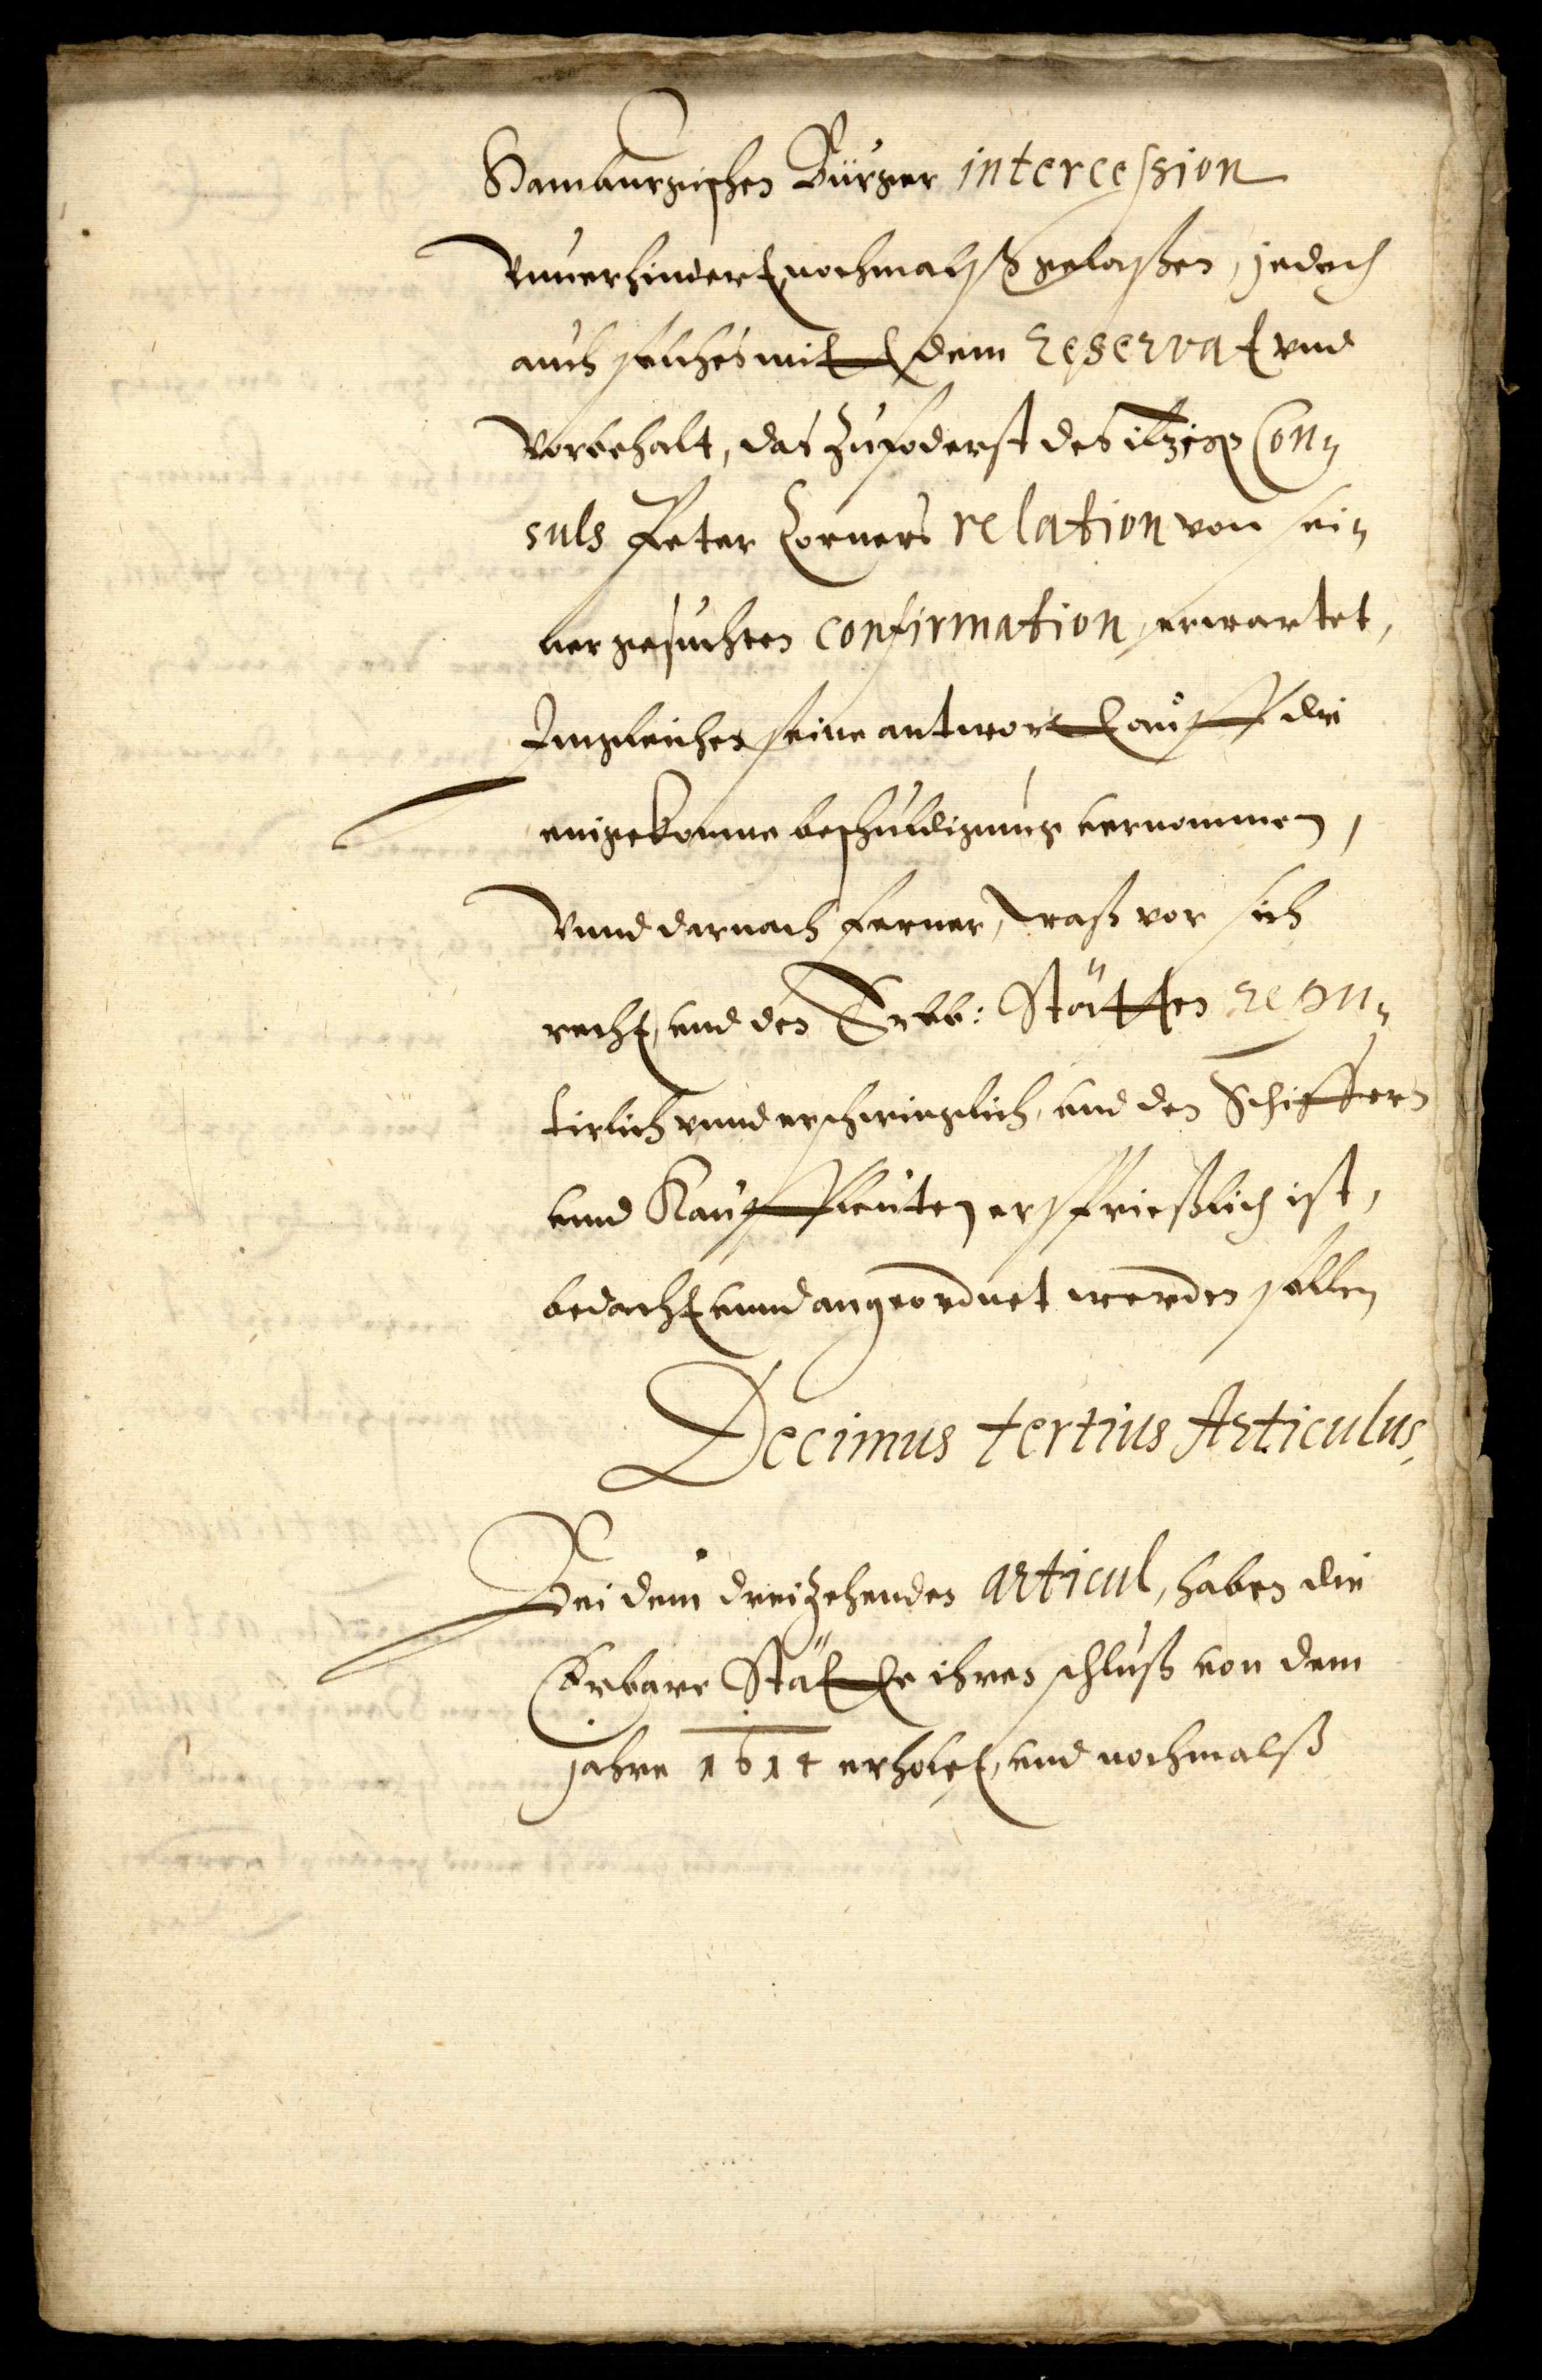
Hamburgischen Bürger intercession
Vnuerhindert, nochmalß gelaßen, jedoch
auch solches mitt dem reservat vnd
Vorbehalt, das Zuforderst des itzigens Con¬
suls Peter Corners relation von sei¬
ner gesuchten confirmation erwartet,
Imgleichen seine antwortt auff die
eingekomne beschuldigung vernommen,
Vnnd darnach ferner, waß vor sich
recht, vnd den Erbb: Stätten repu¬
tirlich vnd erschwinglich, vnd den Schiffern
vnd Kauffleuten ersprießlich ist,
bedacht vnnd angeordnet werden sollen,
Decimus tertius Articulus ,
Bei dem dreizehenden articul, haben die
Erbare Stätte ihren schluß von dem
jahre 1614 erholet, vnd nochmalß
